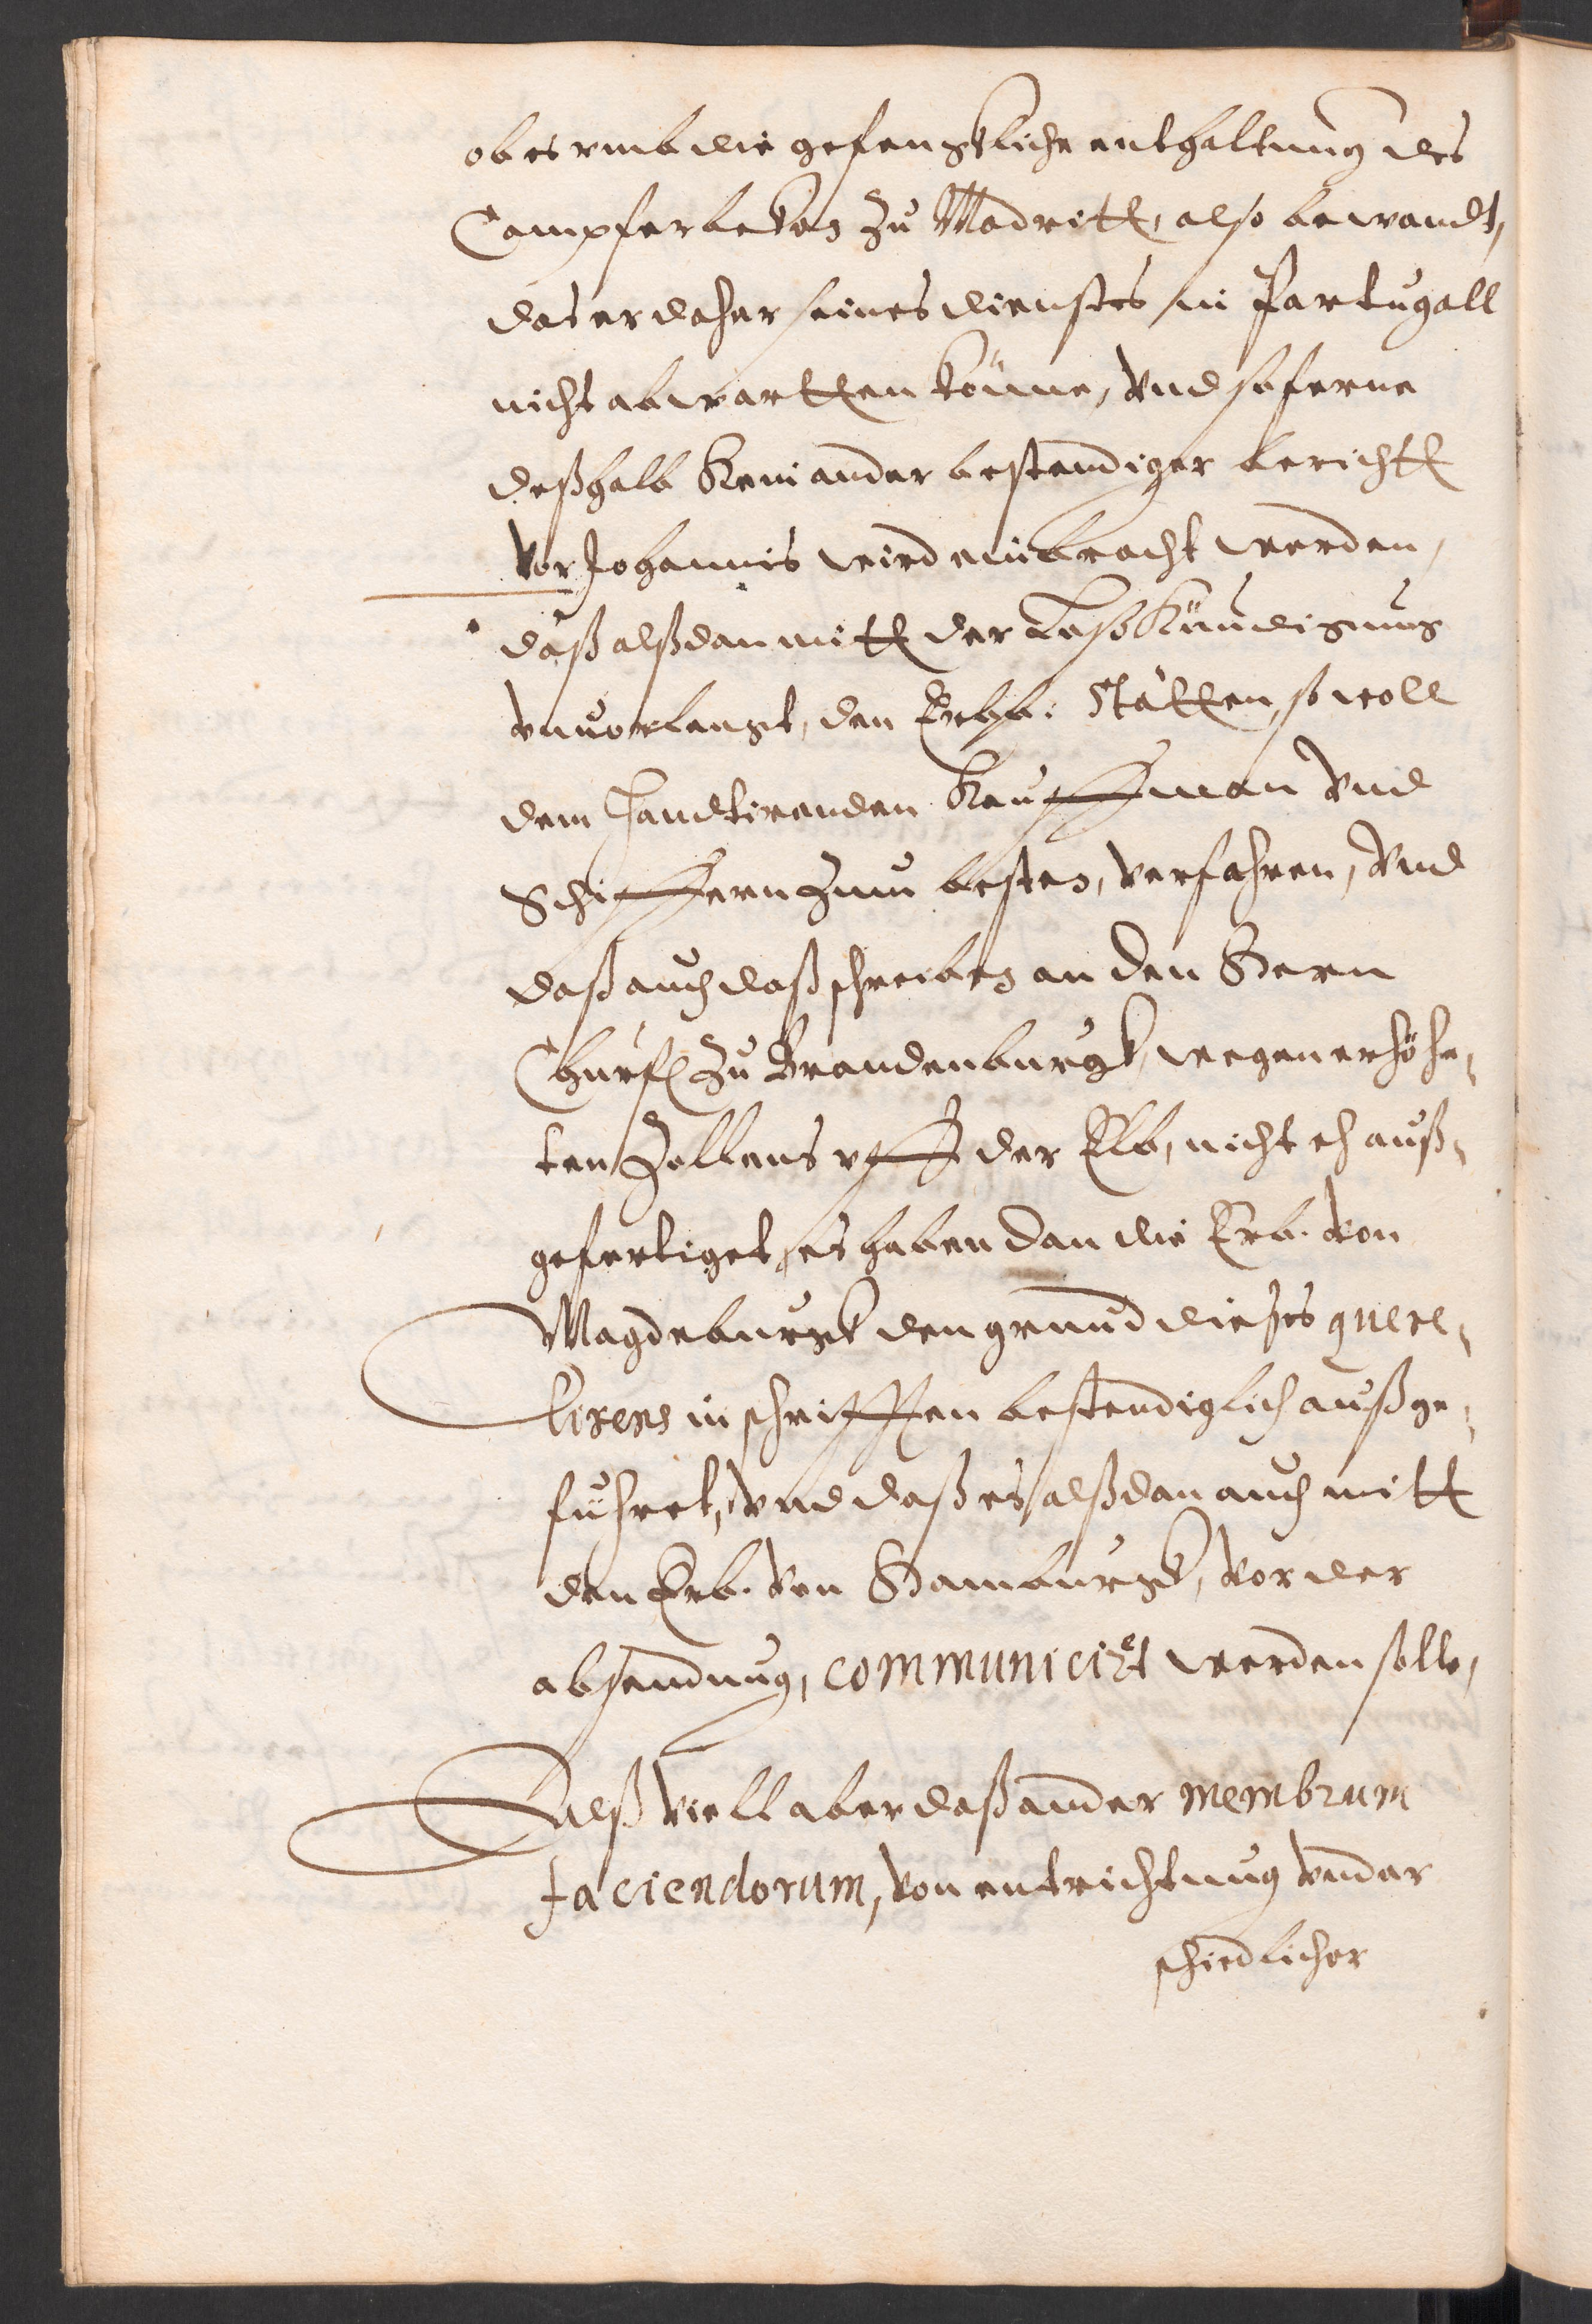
obes vmb die gefengkliche enthaltung des
Campferbeken zu Madritt, also bewandt,
das er daher seines dienstes in Portugall
nicht abwartten könne, vnd so ferne
deßhalb kein ander bestendiger berichtt
vor Johannis wird einbracht werden,
daß alßdan mitt der Loßkündigung
vnuorlangt, den Erbb: Stätten so woll
dem Handtirenden kauffman vnd
Schiffern zum besten, verfahren, vnd
daß auch daß schreiben an den Hern
Churfursten zu Brandenburgk, wegen erhöhe¬
ten Zollens vff der Elb, nicht eh auß¬
gefertiget, es haben dan die Erb. von
Magdeburgk den grund dieses quere¬
lirens in schrifften bestendiglich außge¬
führet, vnd daß es alßdan auch mitt
den Erb. von Hamburgk, vor der
absendung, communiciret werden solle,
Alß viell aber daß ander membrum
faciendorum, von entrichtung vnder
schiedlicher
